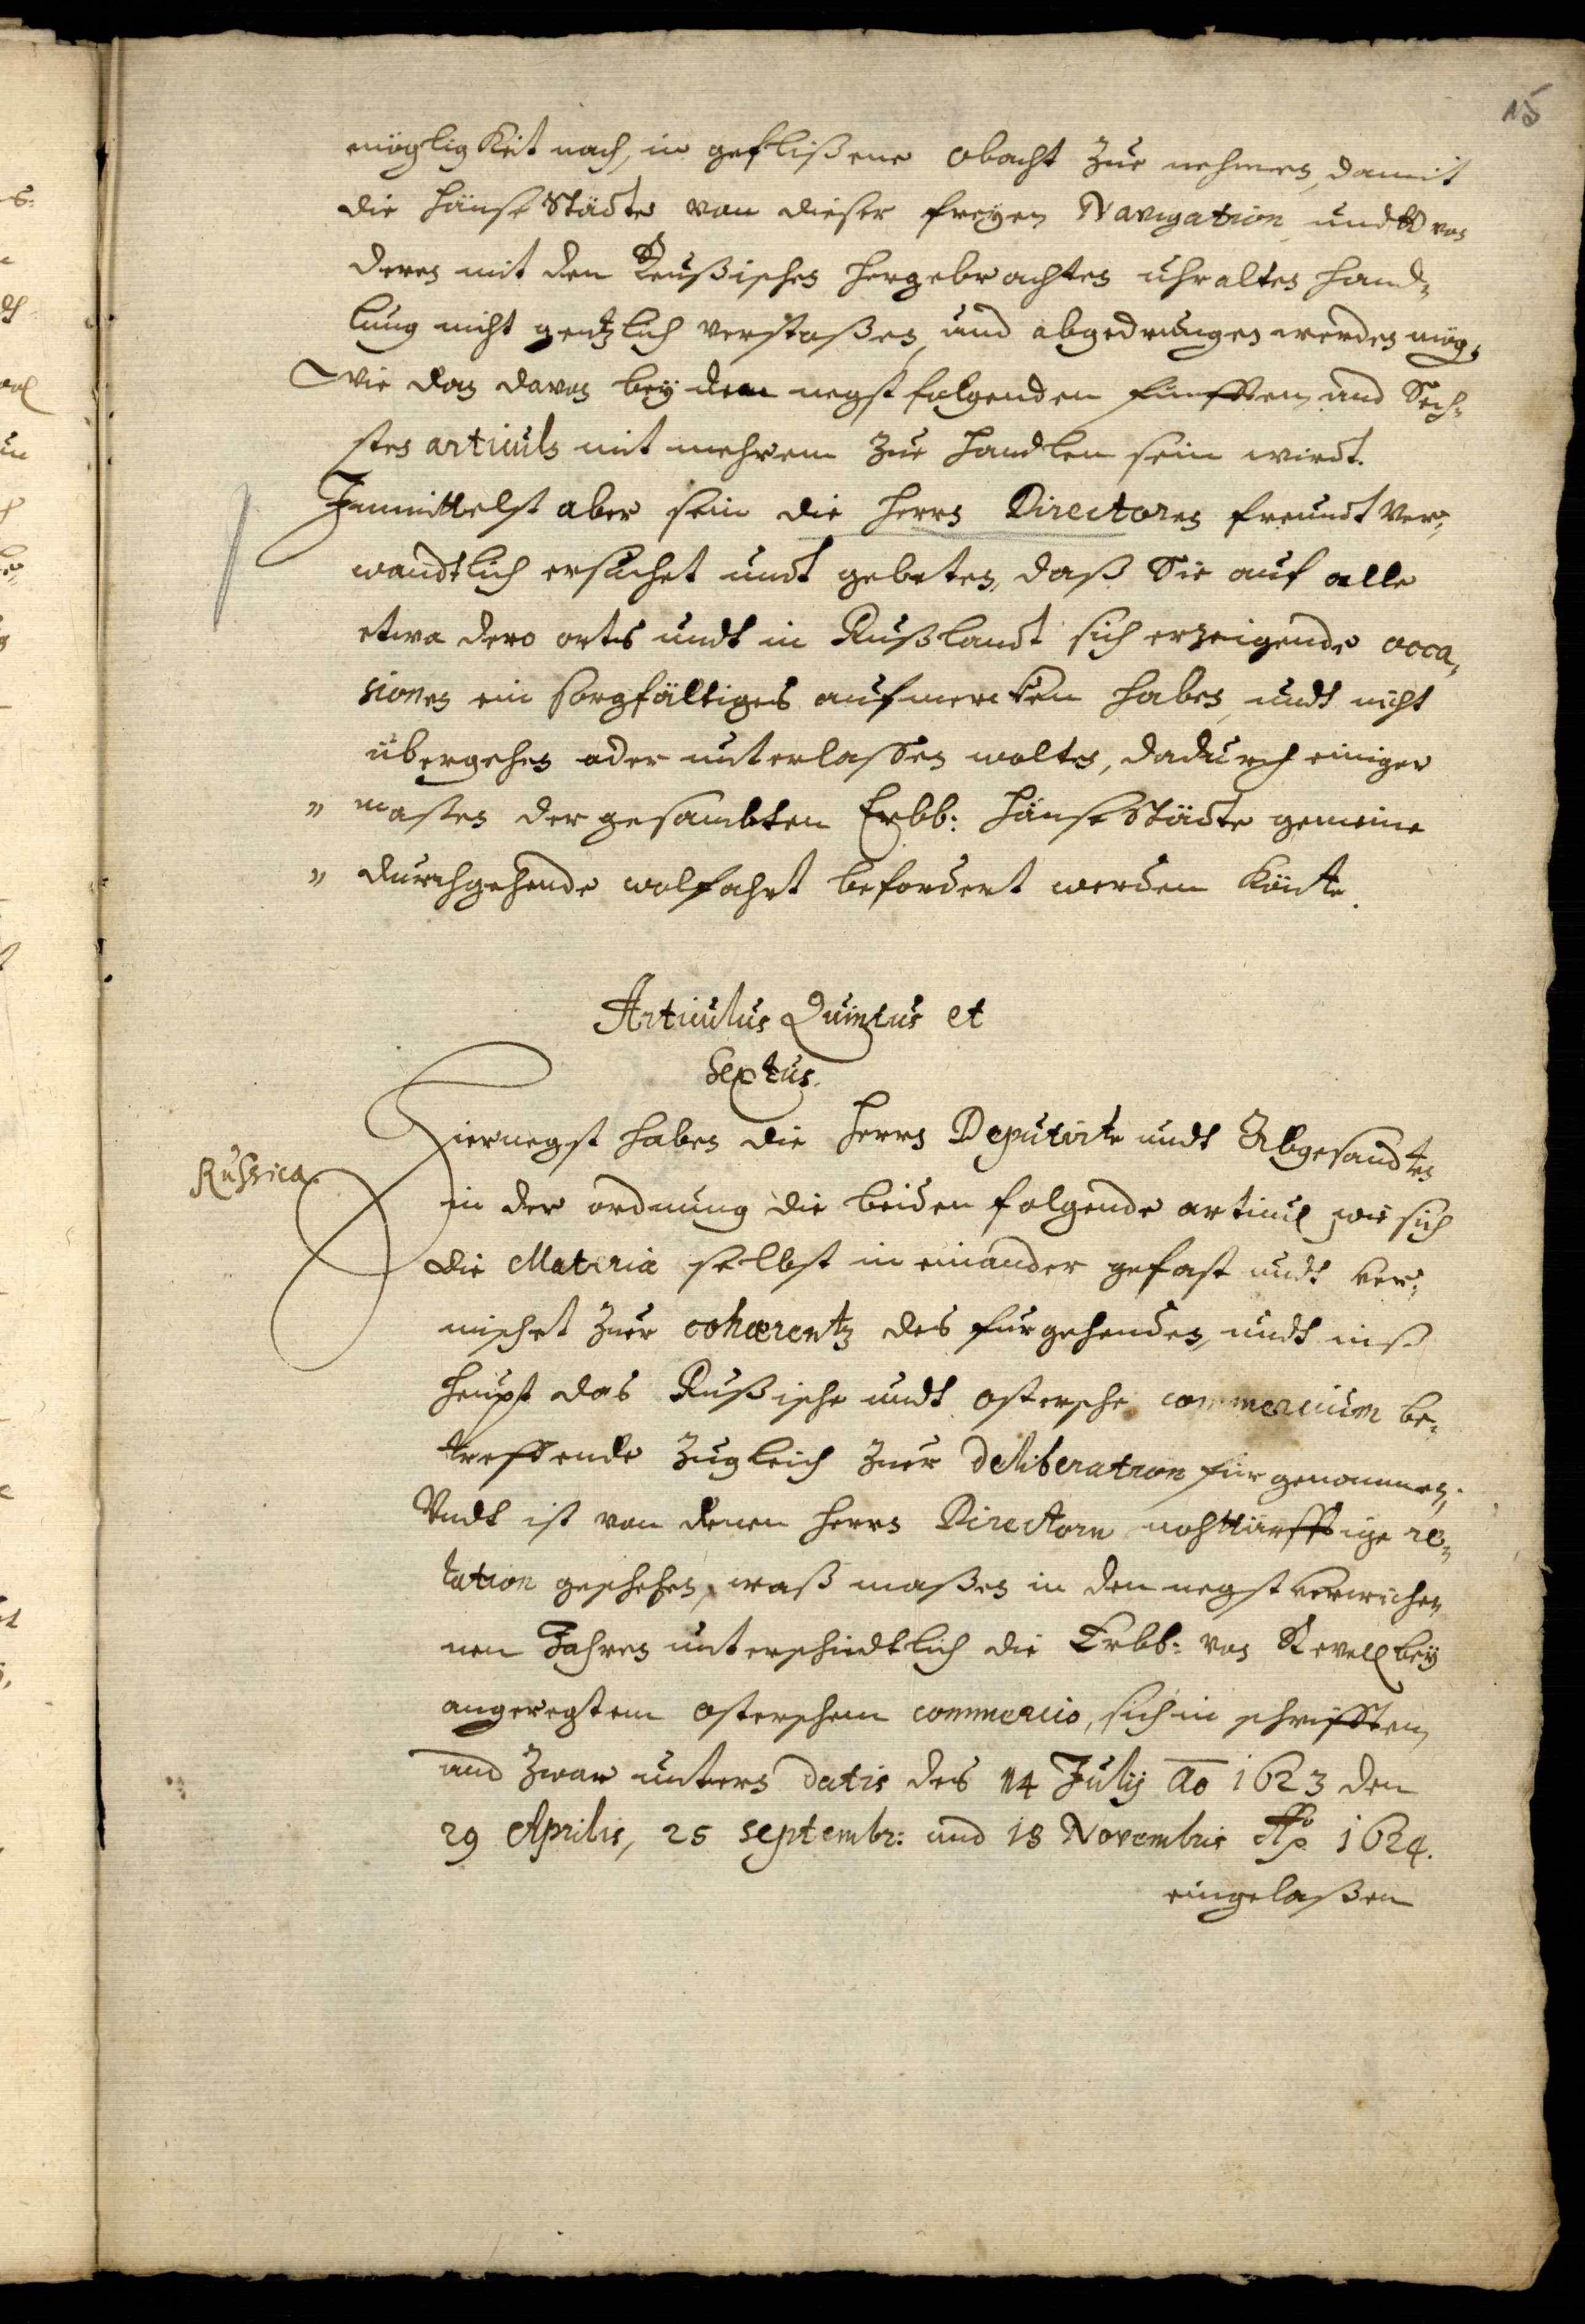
15
mögligkeit nach, in geflißene Obacht zue nehmen, damit
die hänse Städte von dieser freijen Navigation undt von
deren mit den Reußischen hergebrachten uhralten hand¬
lung nicht gentzlich verstoßen, und abgedrungen werden mögen,
Wie dan davon beij dem negst folgenden fünfftem und Sech¬
sten articuls mit mehrem zue handlen sein wirdt.
Immittelst aber sein die herrn Directoren freundtver¬
wandtlich ersuchet undt gebeten, daß Sie auf alle
etwa dero orts undt in Rußlandt sich erzeigende occa¬
sionen ein sorgfältiges aufmercken haben, undt nicht
übergehen oder unterlassen wolten, dadurch einiger
massen der gesambten Erbb: hänse Städte gemeine
durchgehende wolfahrt befordert werden könte.
Russica
Articulus Quintus et
Sextus
Hiernegst haben die herrn Deputirte undt Abgesandten
in der ordnung die beiden folgende articul wie sich
die Materia selbst in einander gefast undt ver¬
mischet zuer cohaerentz des furgehenden, undt inß
heupt das Rußische undt Ostersche commercium be¬
treffende zugleich zuer deliberatum fur genommen,
Vndt ist von denen herrn Directorn nohttorfftige re¬
lation geschehen, waß maßen in den negst verwiche¬
nen Jahren unterschiedtlich die Erbb: von Revall beij
angeregtem Osterschem commercio, sich in schrifften,
und zwar untern datis des 14 Julij Aō 1623 den
29 Aprilis, 25 september und 18 Novembris Aop 1624.
eingelaßen
